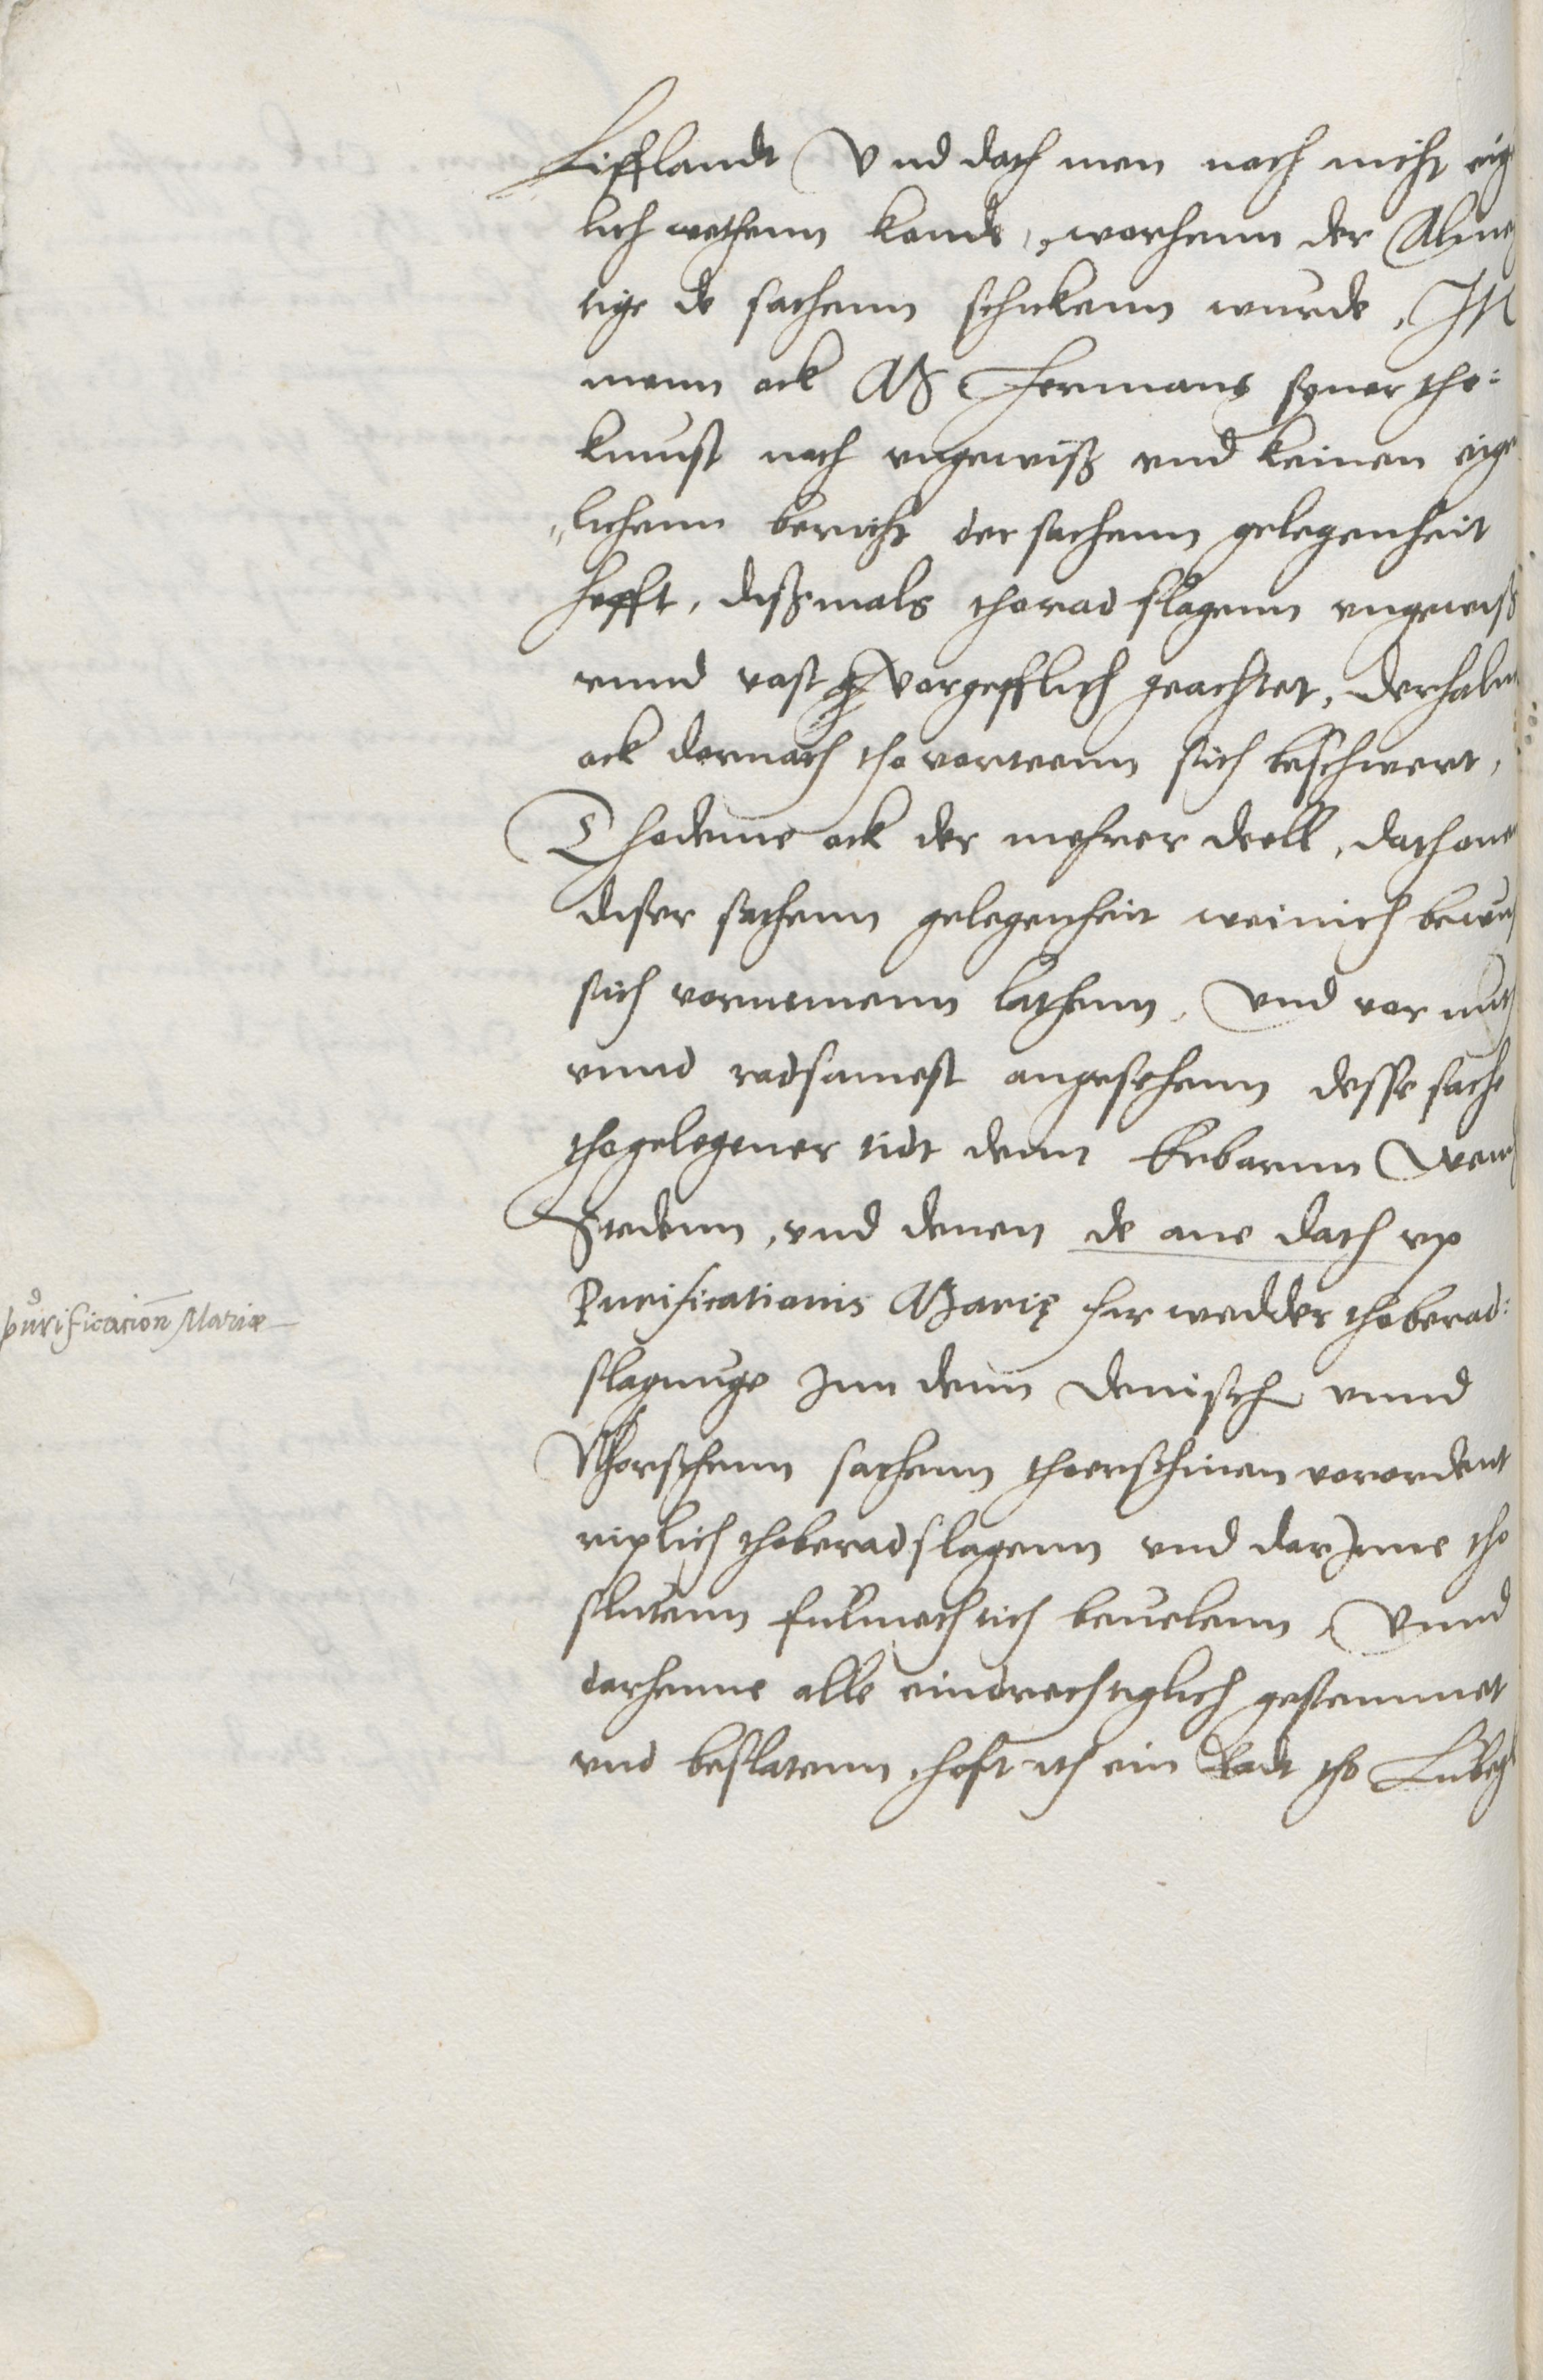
Lifflandt Vnd dath men noch nicht eig
lich wethenn konde, worhenn der Almech
tige de sachenn schickenn wurde, It
menn ock M: Hermans syner tho¬
kumst noch vngewiß vnd keinen eige
lichenn bericht der sachenn gelegenheit
hefft, dißmals thoradslagenn vngewiß
vnnd vast g vorgesflich geachtet, Derhalue
ock dornach tho vorteenn sich beschwert,
Thodeme ock der mehrer deell, dath ouer
diser sachenn gelegenheit weinich bewus
sich vornemenn lathenn, Vnd vor nuth
vnnd radsamest angesehenn desse sache
tho gelegener tidt denn Erbarnn Wend:
Stedenn, vnd denen de ane dath vp
Purifications Marie hir wedder thoberad¬
slagunge jnn denn Denischen vnnd
Nhorschenn sachenn thoerschinen vorordent
riplich thoberadslagenn vnd darjnne tho
slutenn fulmechtich beuelenn, Vnnd
darhenne alle eindrechtiglich gestemmet
vnd beslatenn, hoft ith ein Radt tho Lubegk
purification Mariae
